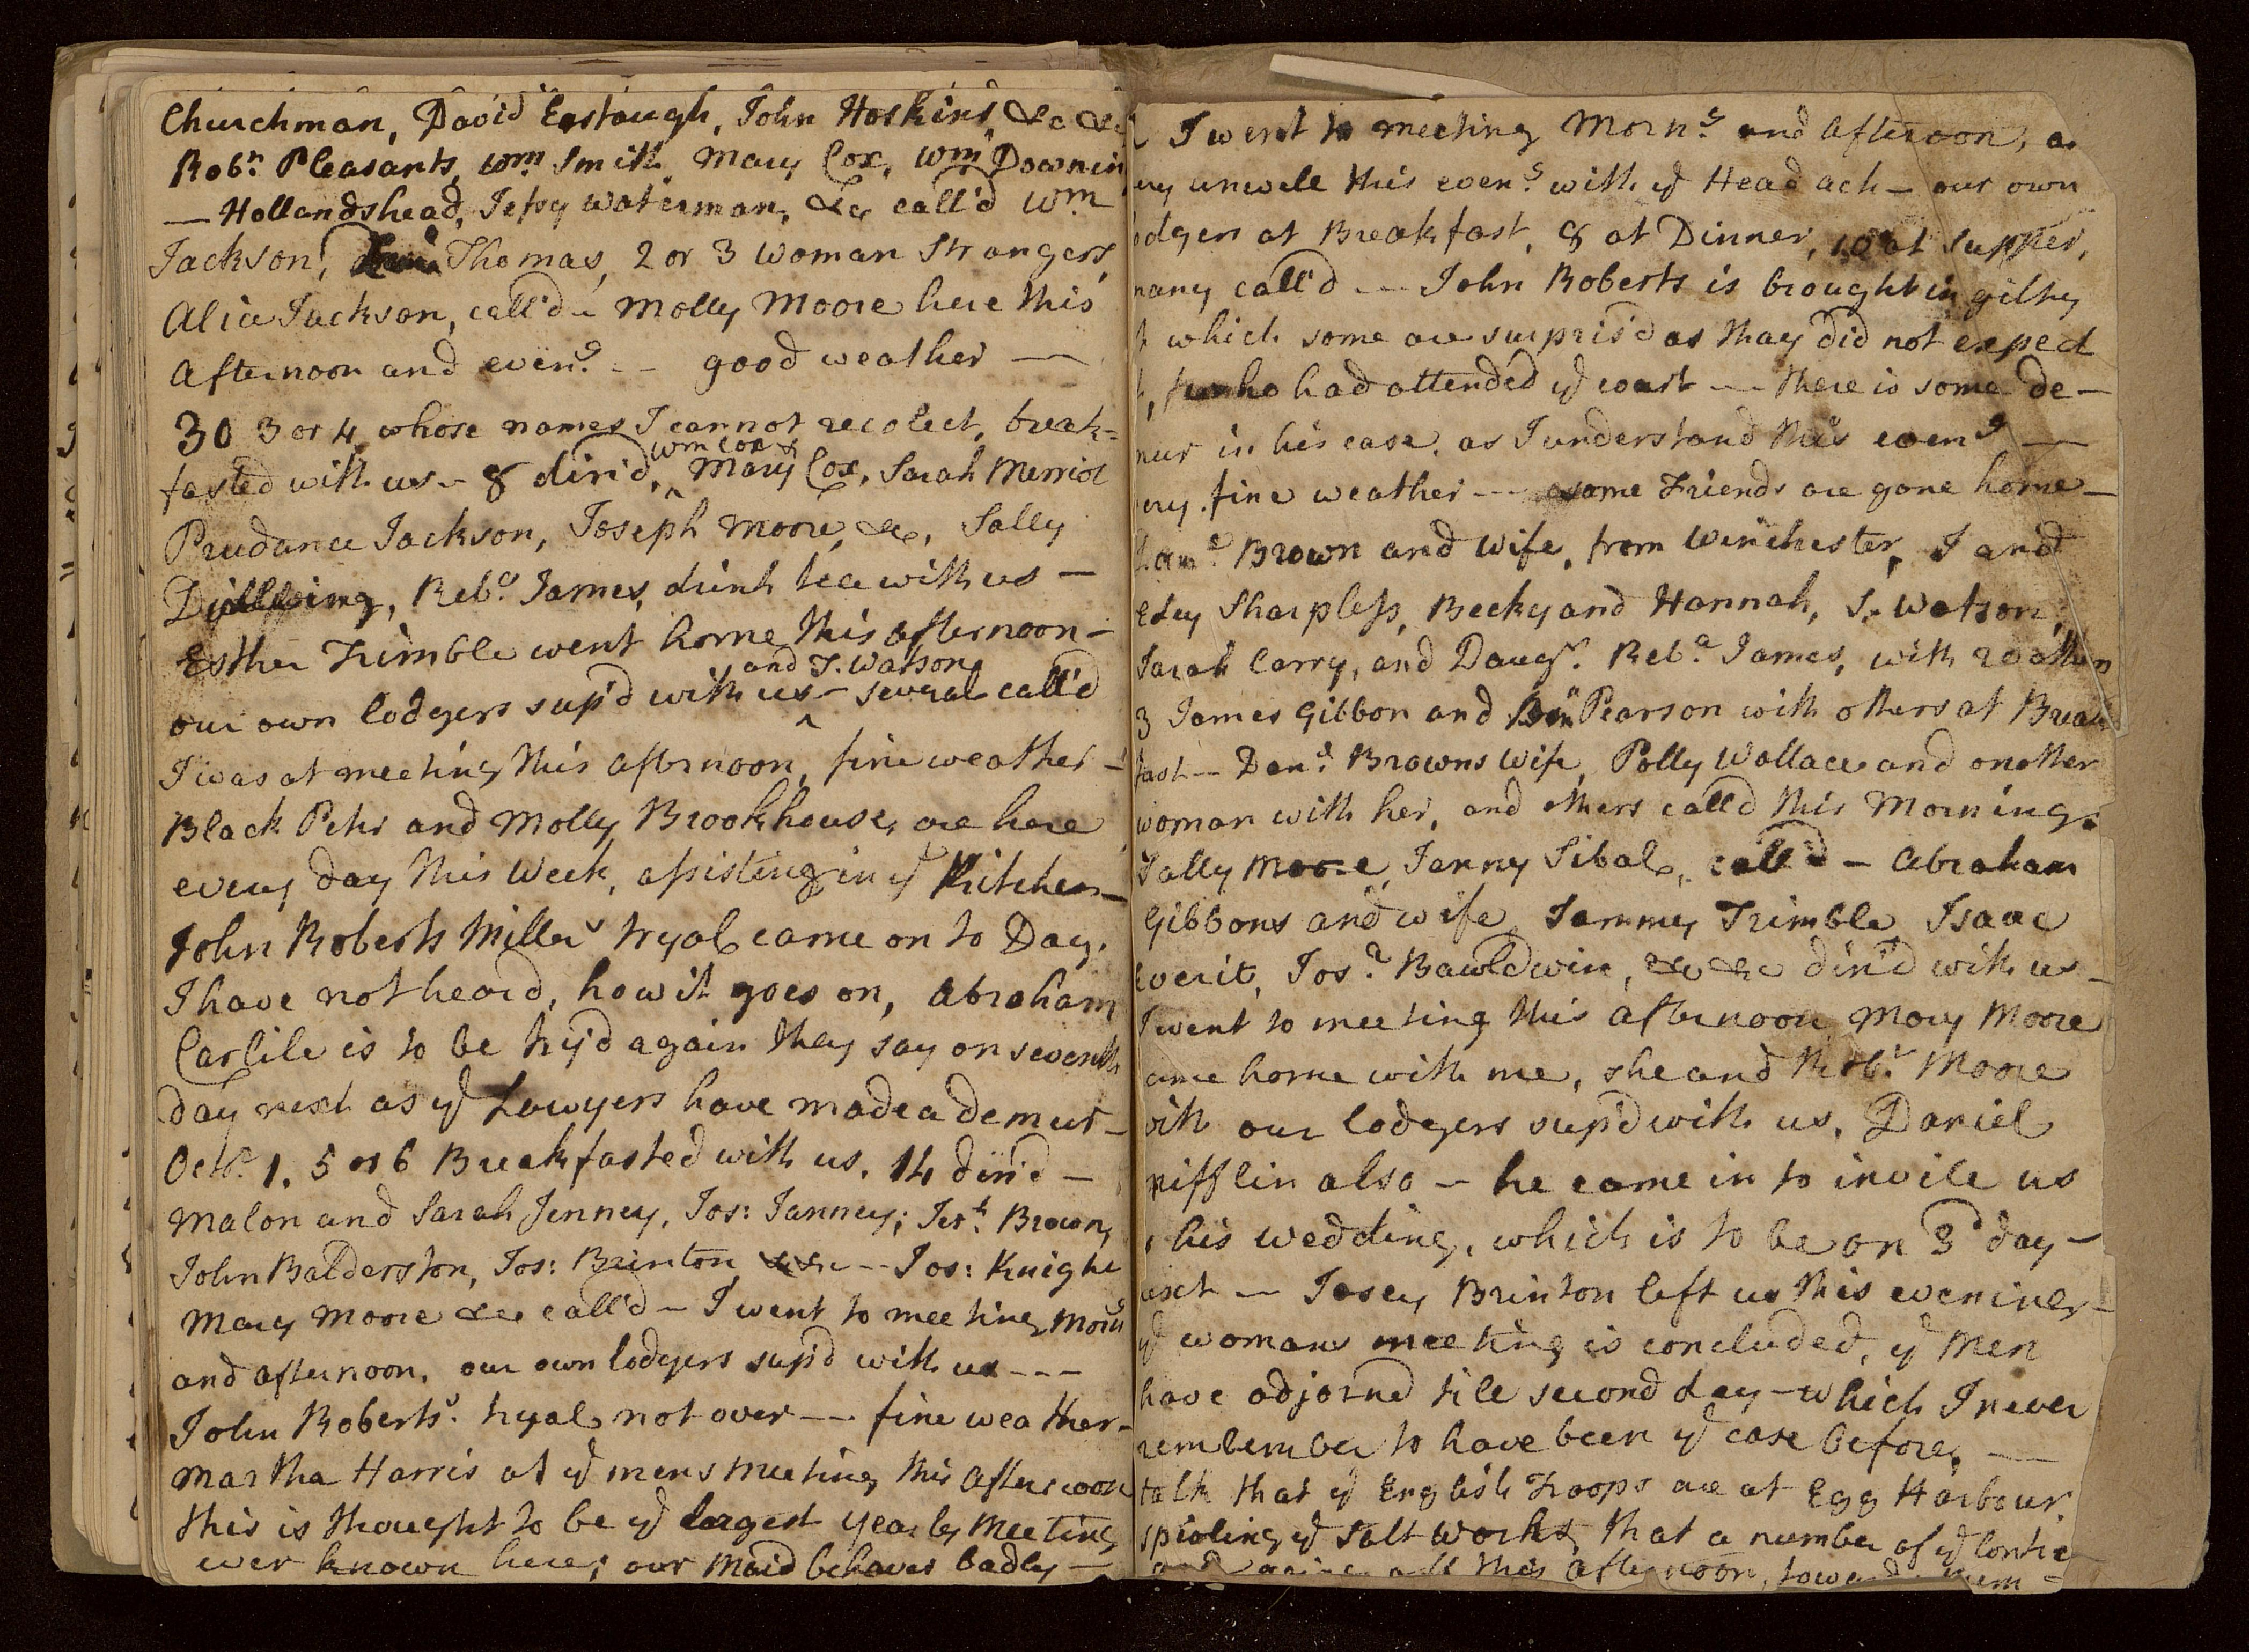Churchman, David Eastaugh, John Harkins &c &c
Rob^t. Pleasants, W^m. Smith, Mary Cox, Wm Downin
- Hollandshead, Jessy Waterman, &c call'd W^m.
Jackson, [Lewis] Thomas, 2 or 3 Woman Strangers,
Alice Jackson, call'd- Molly Moore here this
Afternoon and even^g.- good weather-
30 3 or 4 whose names I cannot recolect, break-
W^m Cox &
fasted with us- 8 din'd, Mary Cox, Sarah Merrist
Prudance Jackson, Joseph Moor, &c, Sally
D[iollwing], Reb^a. James, drink tea with us-
Esther Trimble went home, this afternoon-
and T. Watsong
our own lodgers sup'd with us- several call'd
I was at meeting this afternoon, fine weather-
Black Peter and Molly Brookhouse, are here
eveng day this Week, assisting y^e Kitchen-
John Roberts Miller^s tryal came on to Day,
I have not heard, how it goes on, Abraham
Carlile is to be try'd again they say on seventh
day next as y^e Lawyers have made a demur-
Oct^r. 1, 5 or 6 Breakfasted with us. 14 din'd-
Malon and Sarah Jenney, Jos: Janney; Jer^h. Brown,
John Balderston, Jos: Brinton &c &c -- Jos: Knight
Mary Moore &c call'd- I went to meeting morn^g
and afternoon, our own lodgers sup'd with us---
John Roberts^s tryal not over- fine weather-
Martha Harris at y^e mens meeting this Afternoon
this is thought to be y^e largest yearly meeting
ever known here; our maid behaves badly-
I went to meeting morn^g and Afternoon, as
my unwell this even^g with y^e Head ach- our own
lodgers at Breakfast, 8 at Dinner, 10 at Supper,
many call'd-- John Roberts is brought in gilty
which some are surpris'd as thay did not expect
t, who had attended y^e coast- there is some de-
nur in his case, as I understand this even^g-
ery fine weather- same Friends are gone home-
Sam^l. Brown and wife, from Winchester, I and
Edey Sharpless Becky and Hannah, S. Watson,
Sarah Carry, and Daug^r. Reb^a. James, with no others
3 James Gibbon and Bon^a Pearson with others at Break
fast- Dan^l Browns Wife, Polly Wallace and another
woman with her, and others calld this morning.
Sally Moore, Janny Sibals, call'd- Abraham
Gibbons and wife, Sammy Trimble Isaac
Everit, Jos.^a Bawldwin, &c &c din'd with us-
I went to meeting this Afternoon Mary Moore
ance home with me, she and Rob^t Moore
ick our lodgers sup'd with us, Daniel
Mifflin also- he came in to invite us
his wedding, which is to be on 3^d day-
usch- Josey Brinton left us this evenine,-
womans meeting is concluded, y^e Men
have adjoind tile second day- which I never
rembember to have been y^e case before-
talk that y^e English Troops are at Egg Harbour.
spioling y^e salt works, that a number of y^e Contie
and raind all this afternoon, sowed them